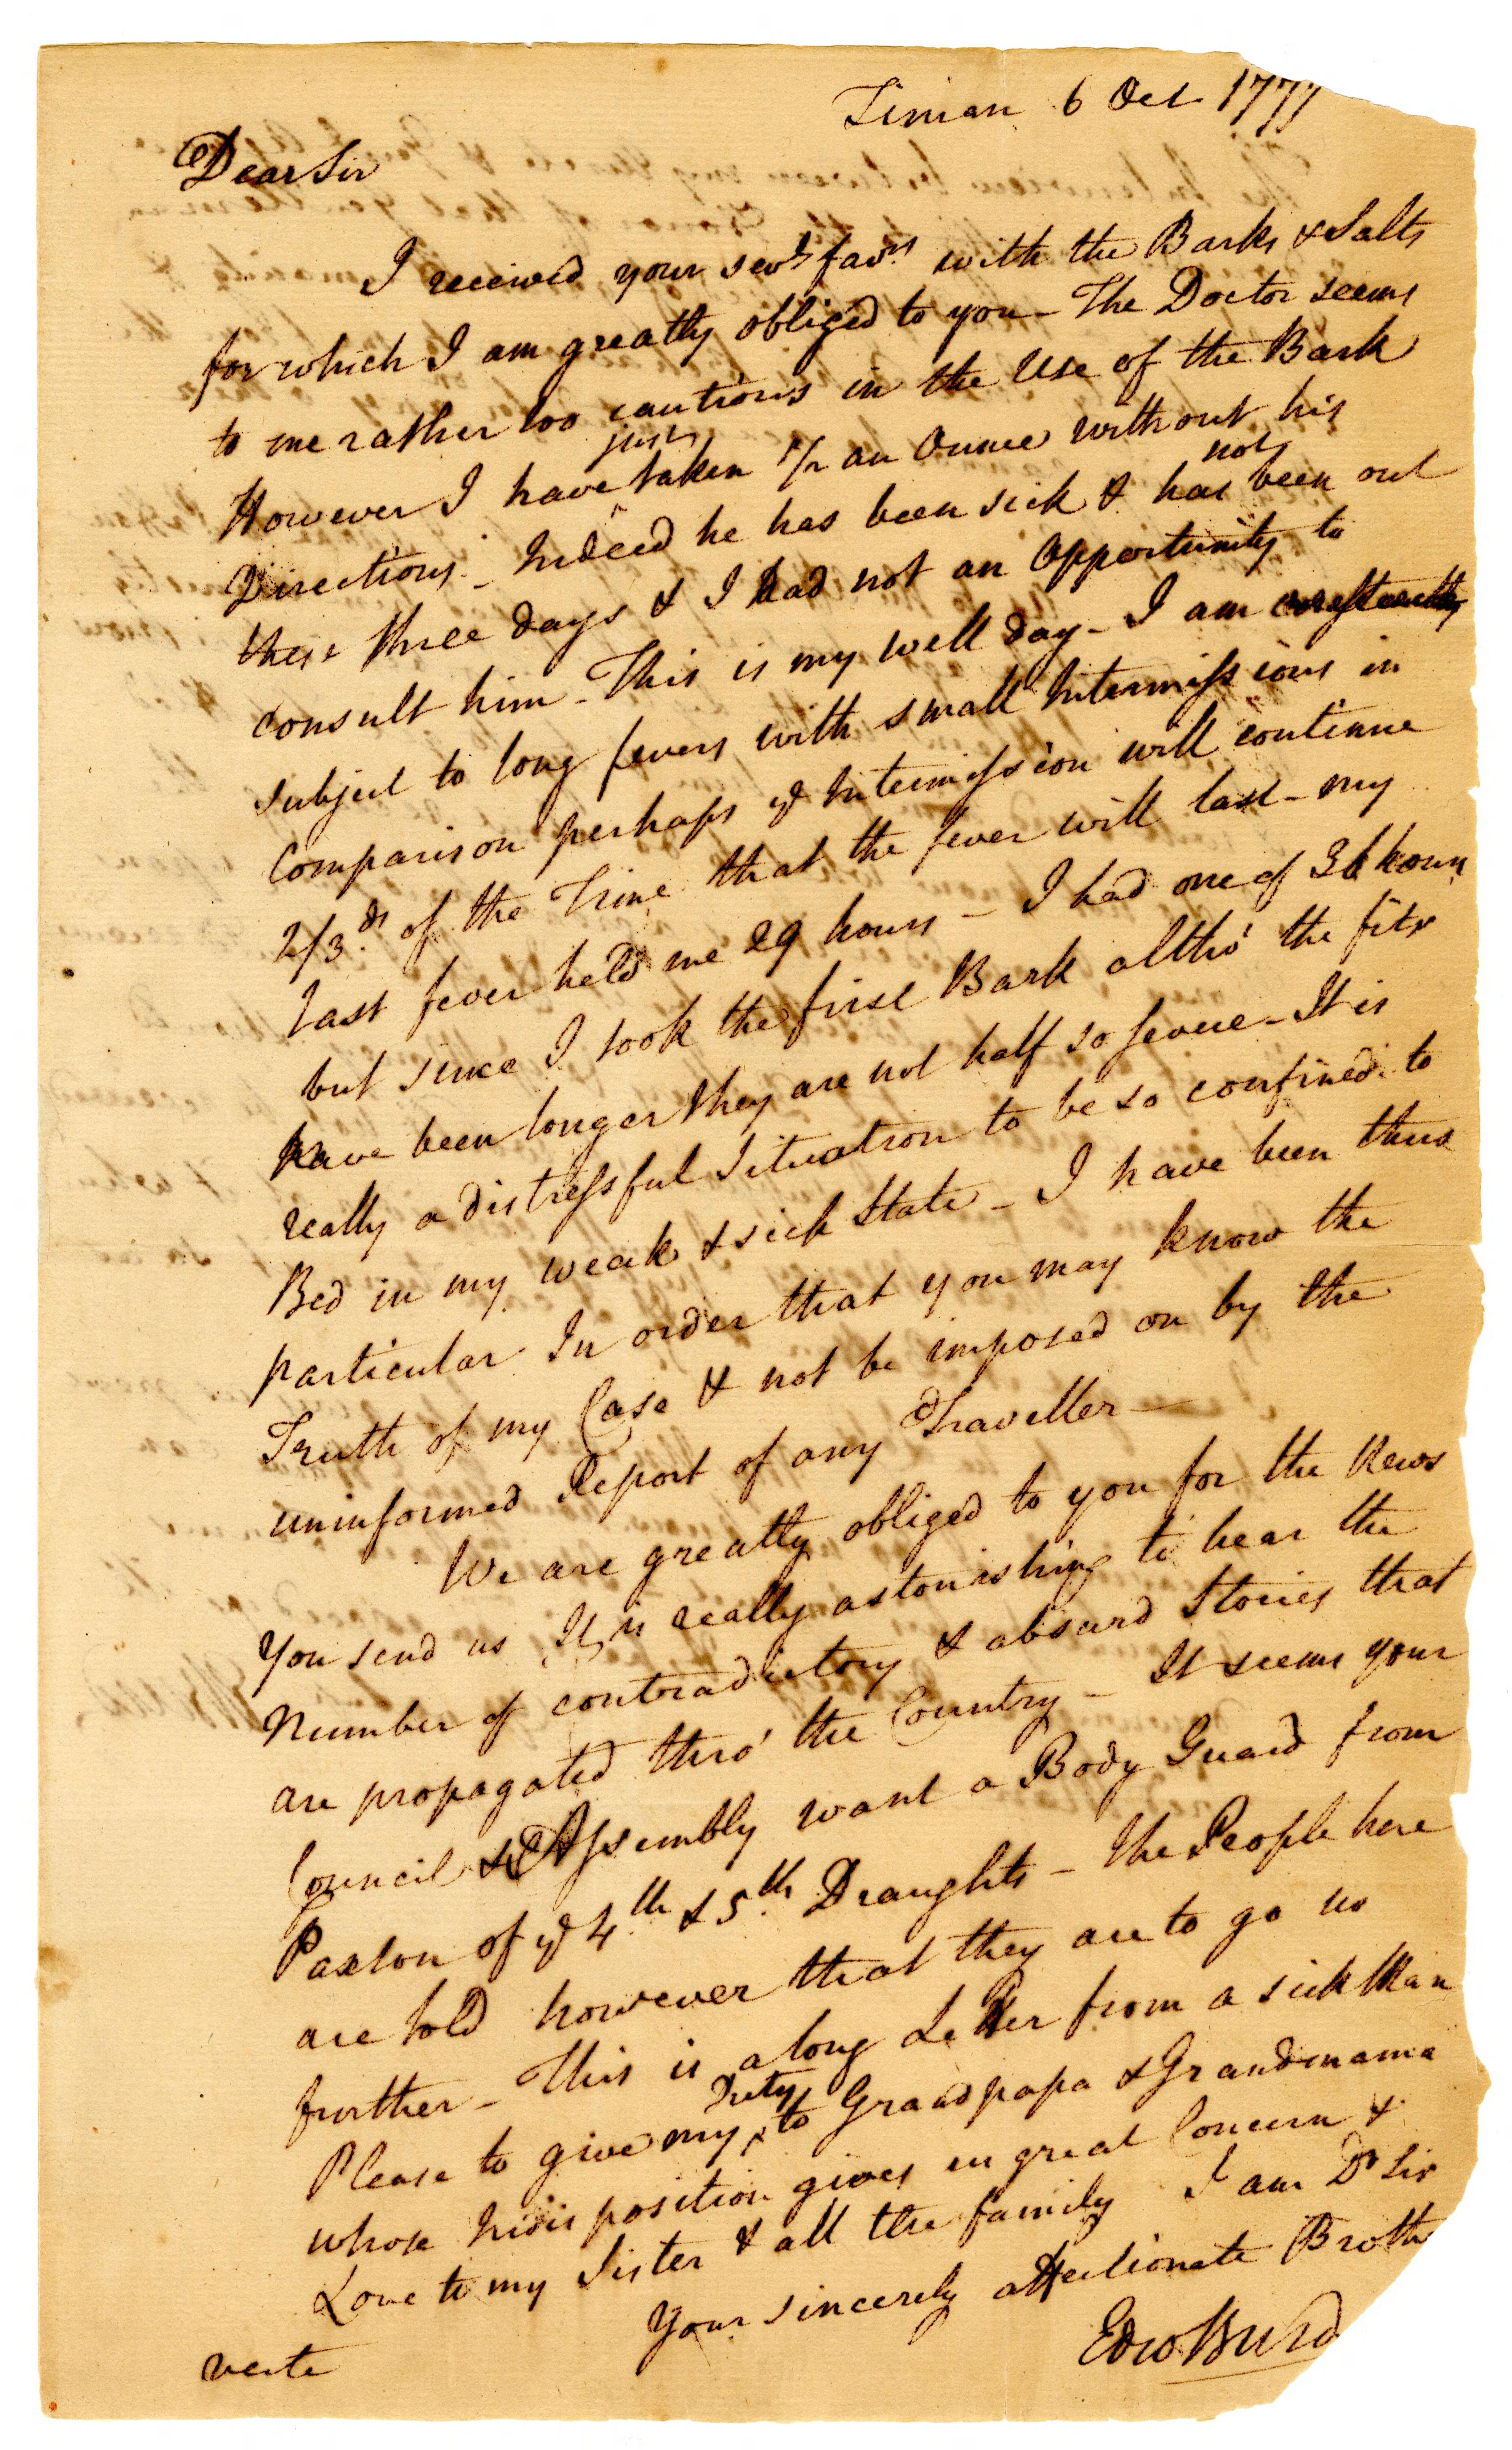Tinian 6 Oct 1777
Dear Sir
I received your sev^l fav^rs. with the Barks & Salts
for which I am greatly obliged to you. The Doctor seems
to me rather too cautions in the Use of the Bark
just
However I have ^ taken 1/2 an Ounce without his
not
Directions. Indeed he has been sick & has ^ been out
these three days & I had not an Opportunity to
consult him. This is my well day. I am constantly
subject to long fevers with small Intermissions in
Comparison perhaps y^e Intermission will continue
2/3^d of the Time that the fever will last. My
last fever held me 29 hours- I had one of 36 known
but since I took the five Bark altho' the fits
have been longer they are not half so severe- It is
really a distressful Situation to be so confined to
Bed in my weak & sick State- I have been thus
particular In order that you may know the
Truth of my Case & not be imposed on by the
uninformed Report of any Traveller
We are greatly obliged to you for the News
You send us. It is really astonishing to hear the
Number of contradictory & absurd Stories that
are propagated thro' the Country- It seems your
Council & Assembly want a Body Guard from
Paxton of y^e 4^th. & 5^th. Draughts- The People here
are told however that they are to go us
further- This is a long Letter from a sick Man
Duty
Please to give my ^ to Grandpapa & Grandmama
whose Indisposition gives in great Concern &
Love to my Sister & all the family. I am D^r Sir
vente
Your sincerely affectionate Broth-
Edw. Burd